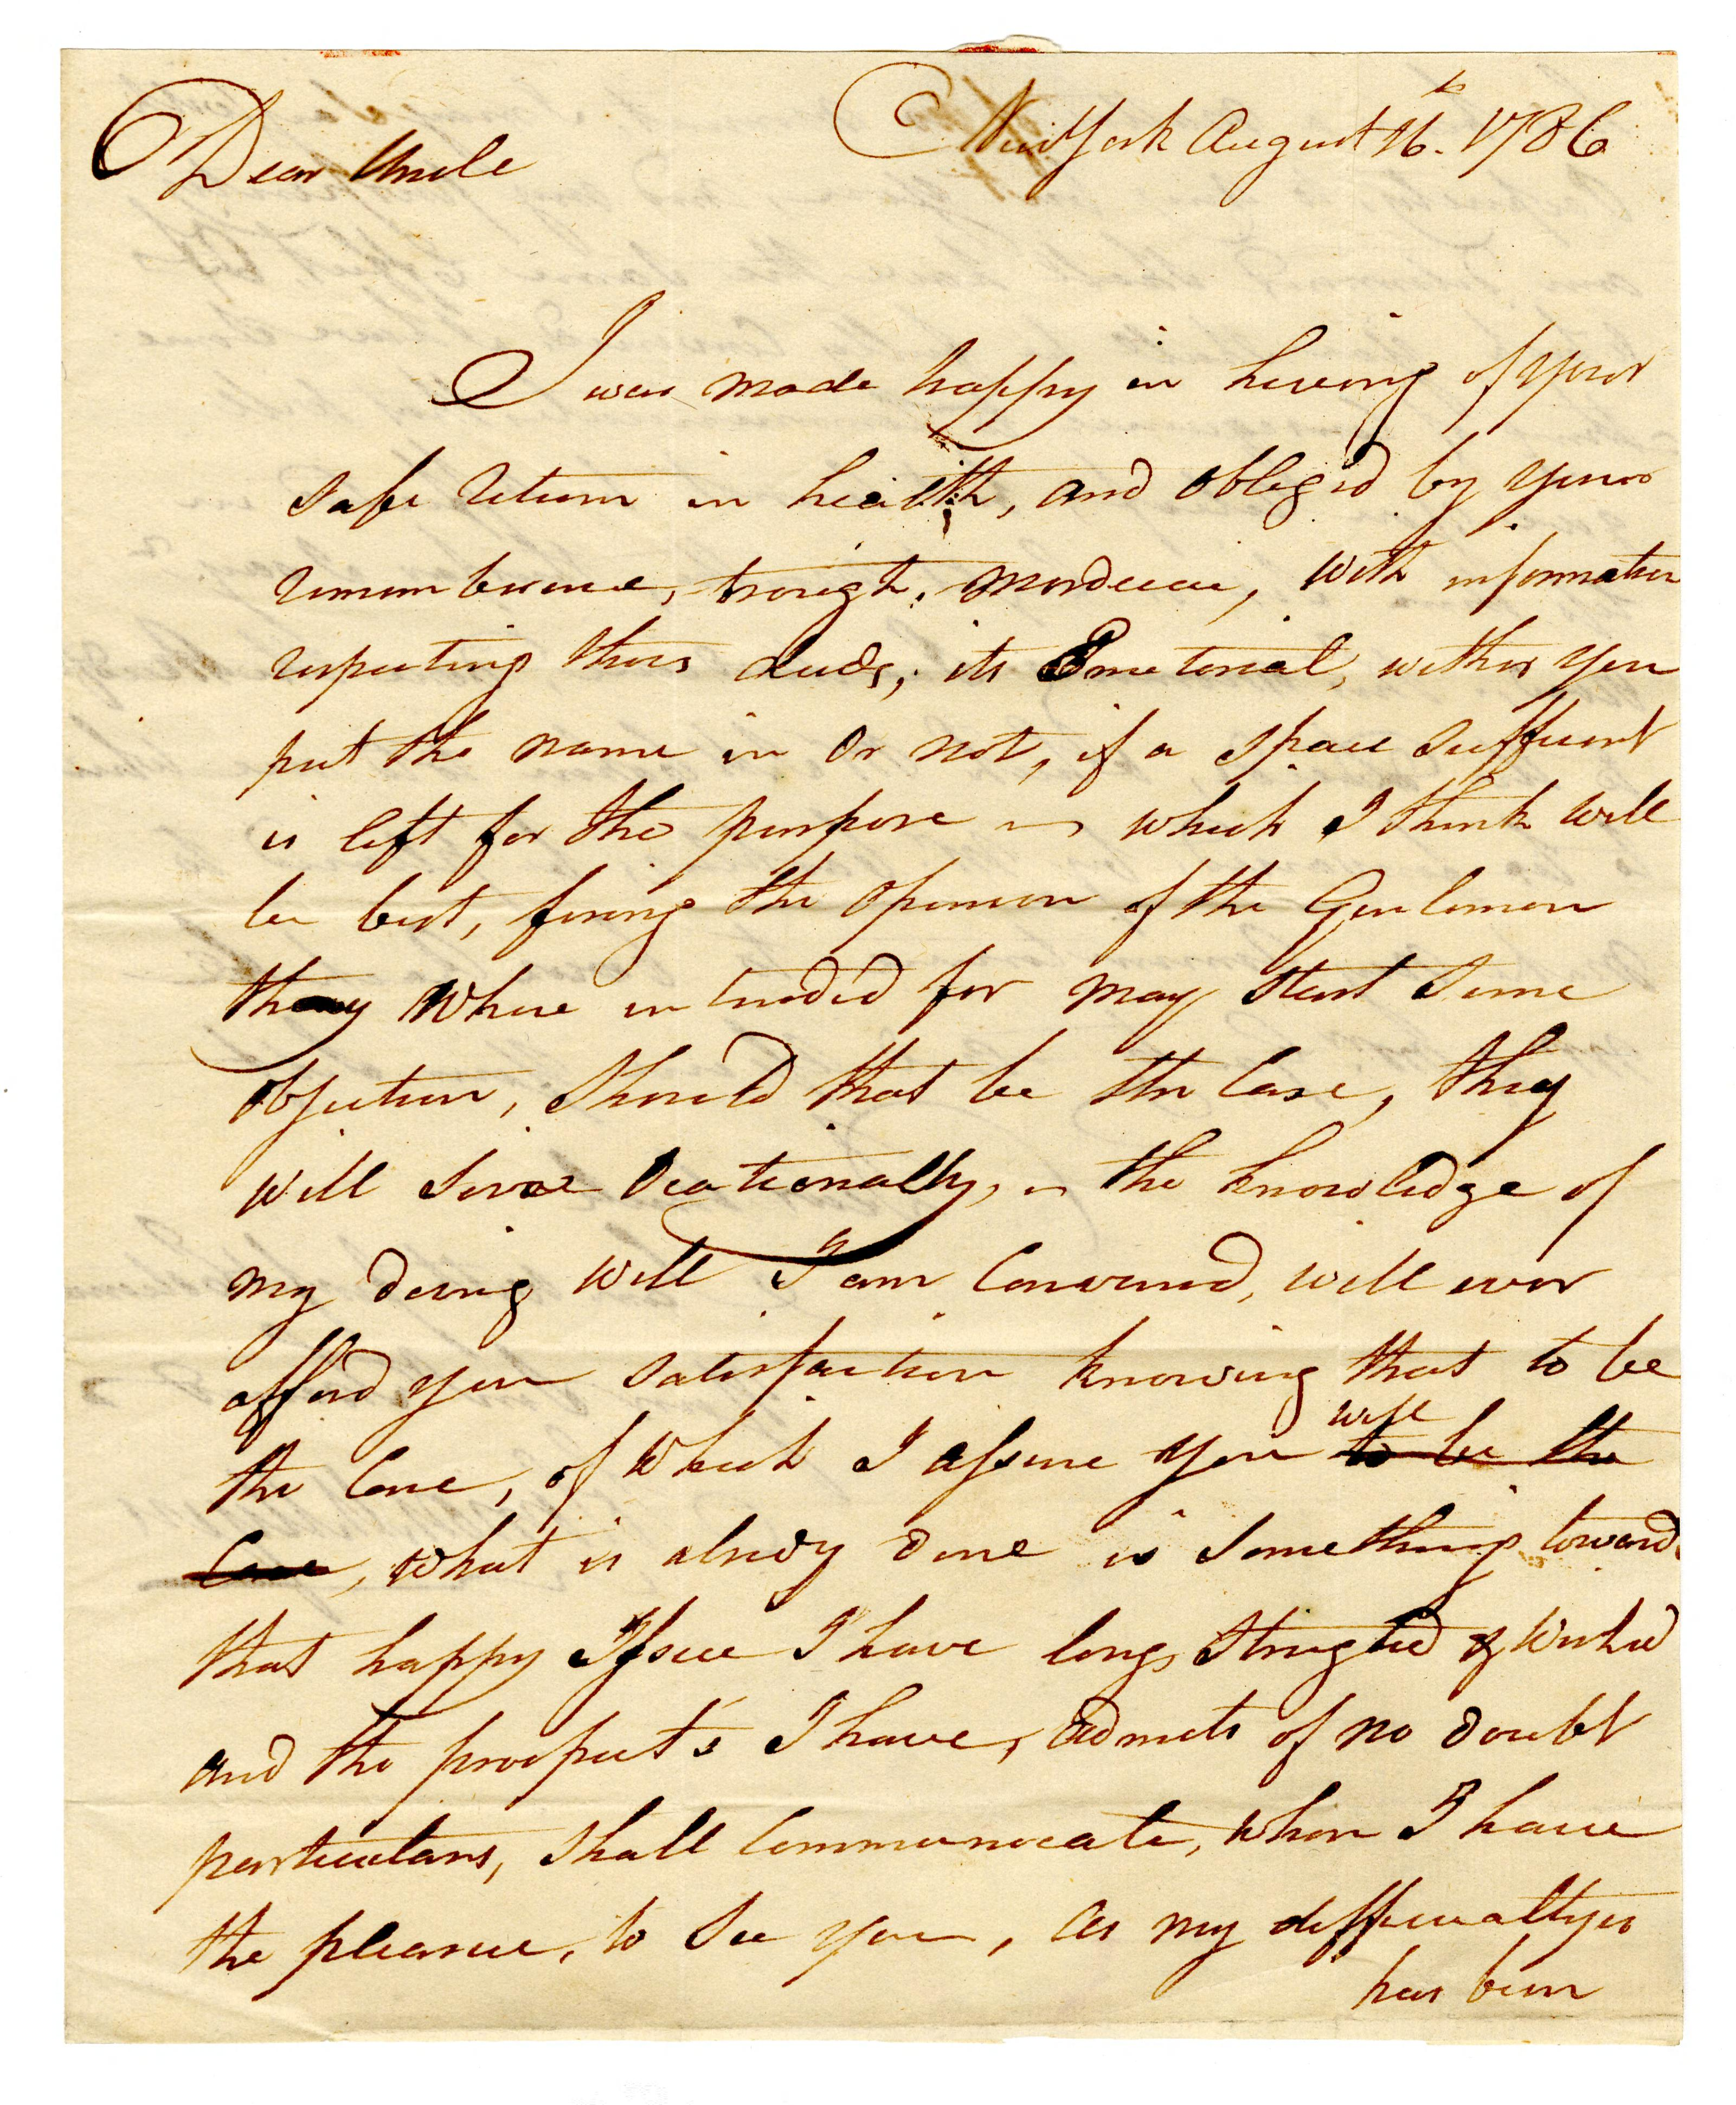New York August 16^th. 1786
Dear Uncle
I was made happy in hearing of your
Safe return in health, and obliged by your
remembrance, trough Mordecai, With information
respecting thers deeds; its Some trial, wether you
put the name in or not, if a space sufficient
is left for the purpose- which I think will
be best, serving the opinion of the Gentlemen
they where intended for may start some
objection, Should that be the case, they
will serve deationally- the knowledge of
my doing will I am convinced, will ever
afford you satisfaction knowing that to be
will
the Case, of which I assure you [to be the]
[Case], what is already done is something toward
that happy Issue I have long strugled & worked
and the prospects I have, admits of no doubt
particulars, shall communicate, when I have
the pleasure, to see you, as my difficualtyes
has been